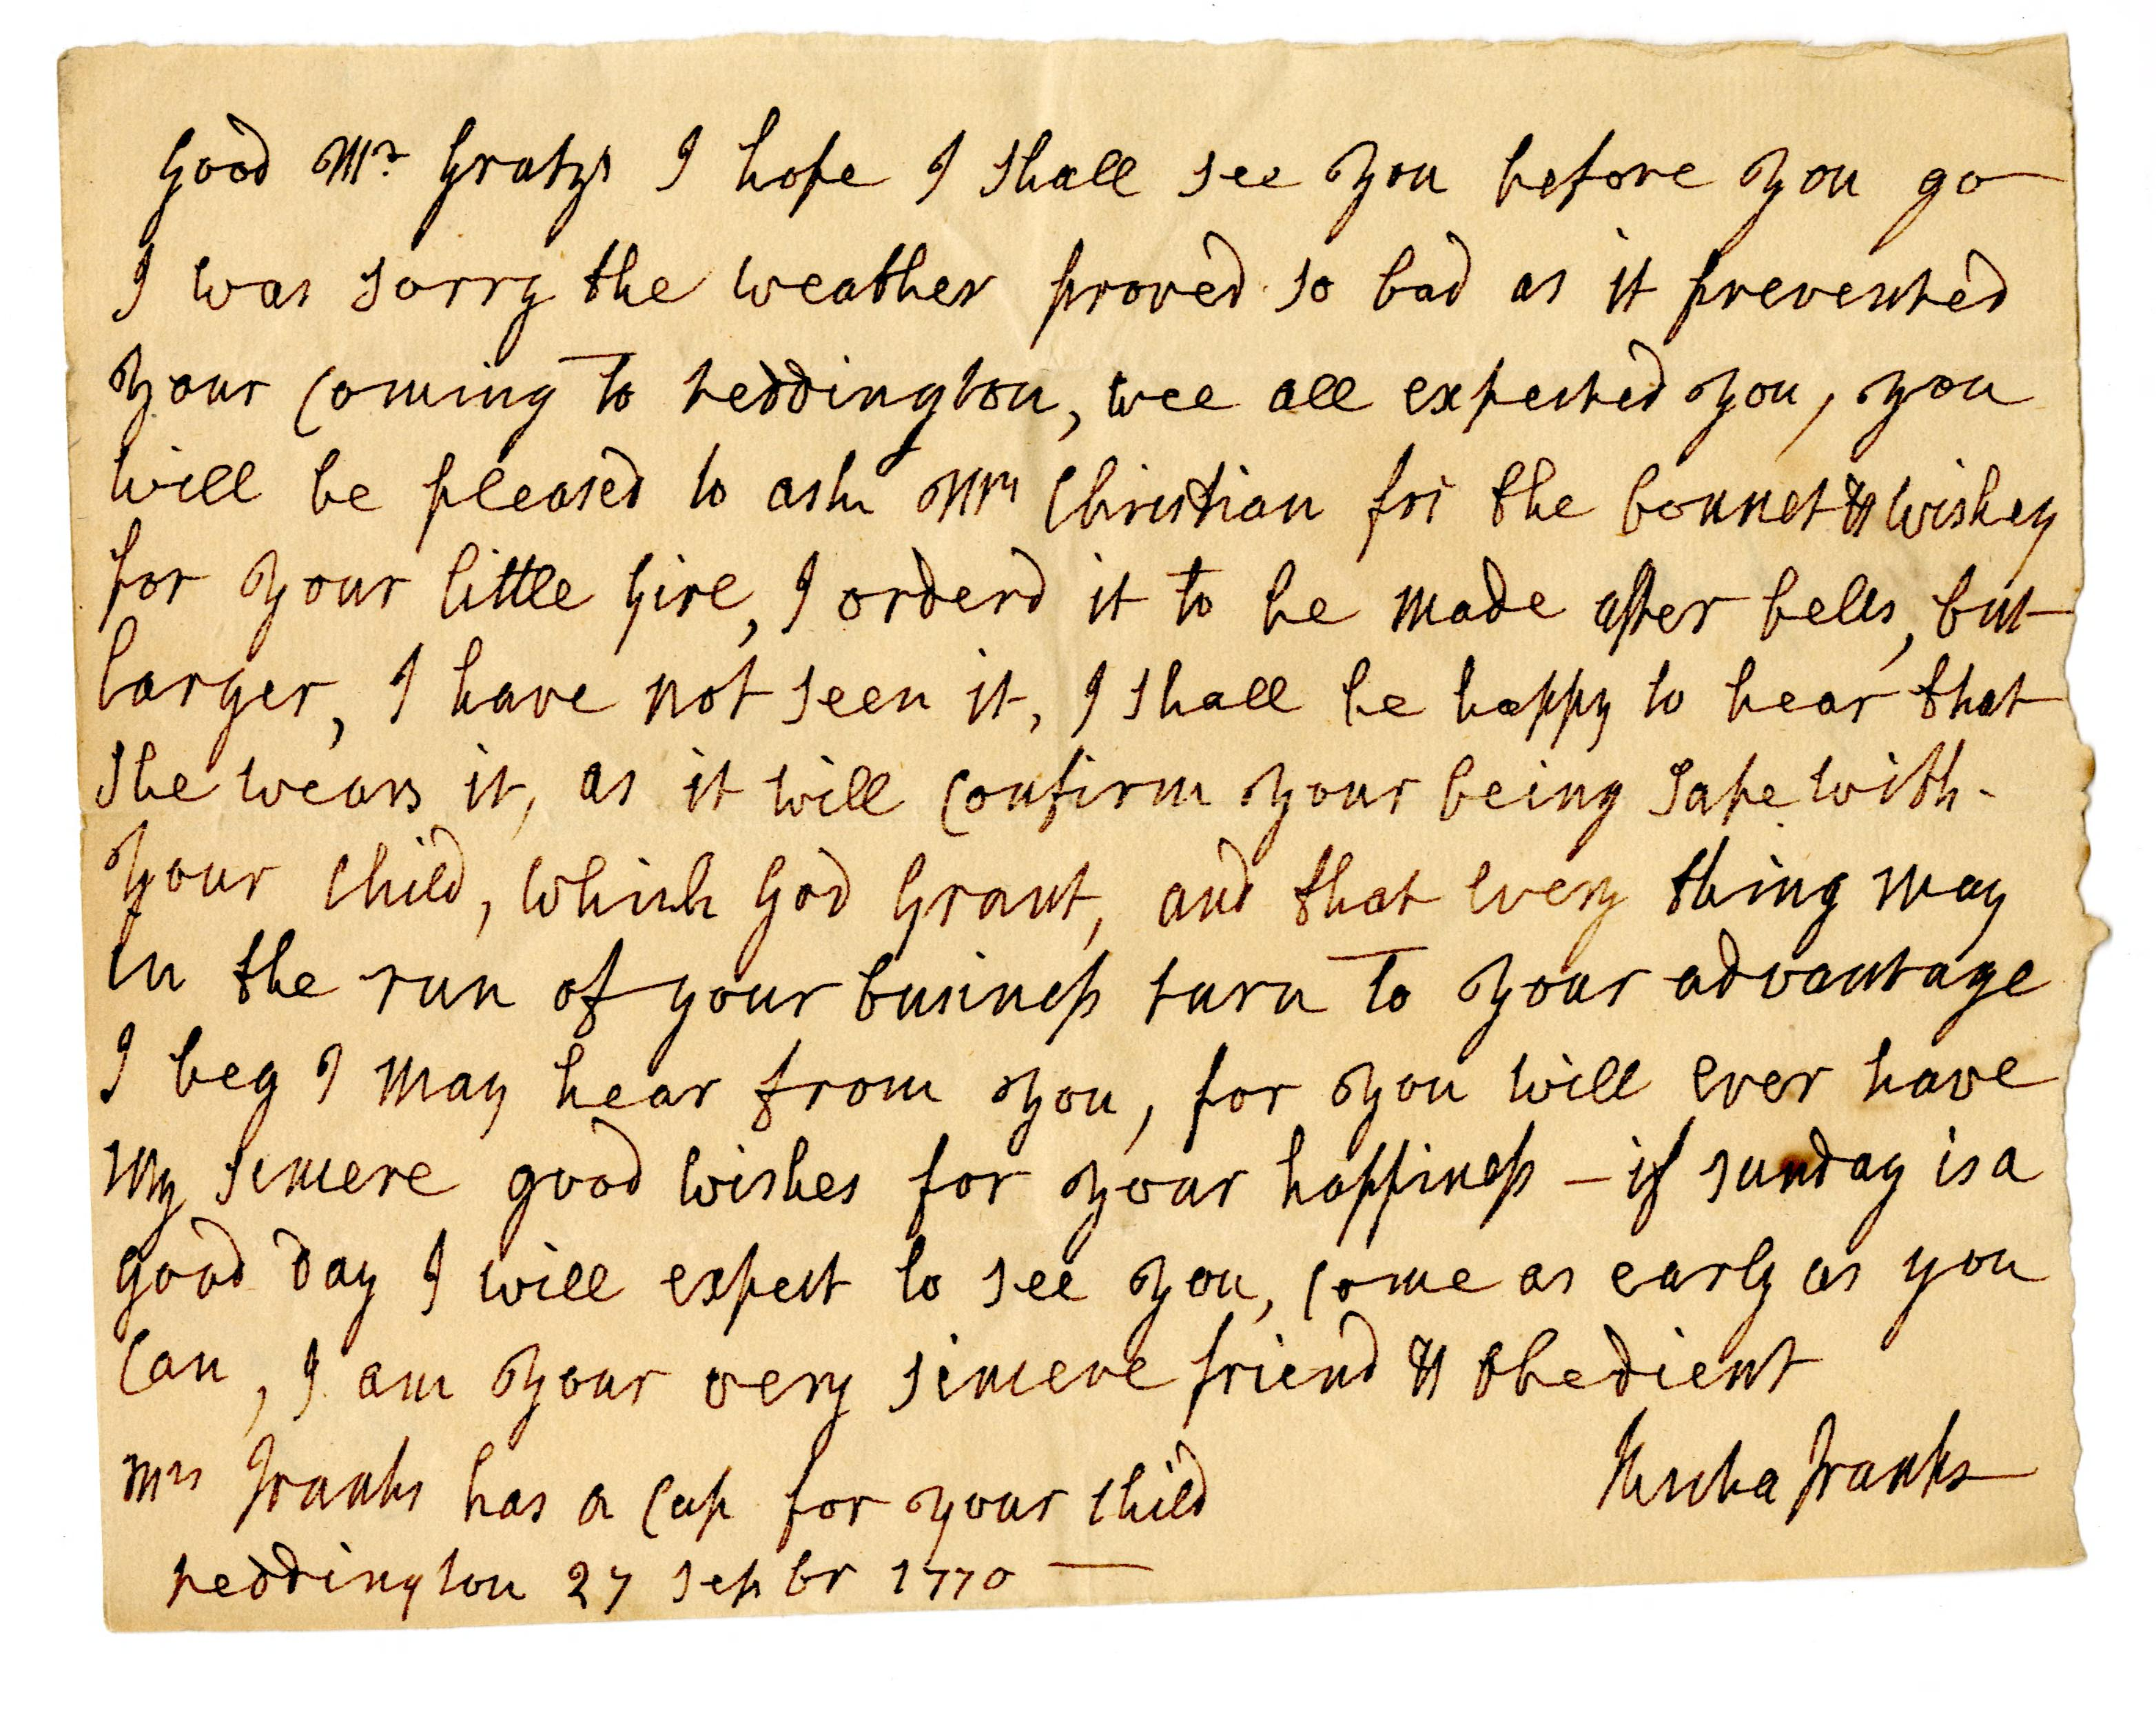Good M^r Gratz I hope I shall see you before you go
I was sorry the weather proved sp bad as it prevented
your coming to heddington, wee all expected you, you
will be pleased to ask M^r Christian for the bonnet & wiskey
for your little Girl, I orderd it to be made after bells, but
larger, I have not seen it, I shall be happy to hear that
she wears it, as it will confirm your being safe with
your child, which God grant, and that every thing may
in the run of your business turn to your advantage
I beg I may hear from you, for you will ever have
my sincere good wishes for your happiness- if sunday is a
good day I will expect to see you, come as early as you
can, I am your very sincere friend & obedient
Moses Franks
M^rs Franks has a cap for your child
heddington 27 Sepbr 1770